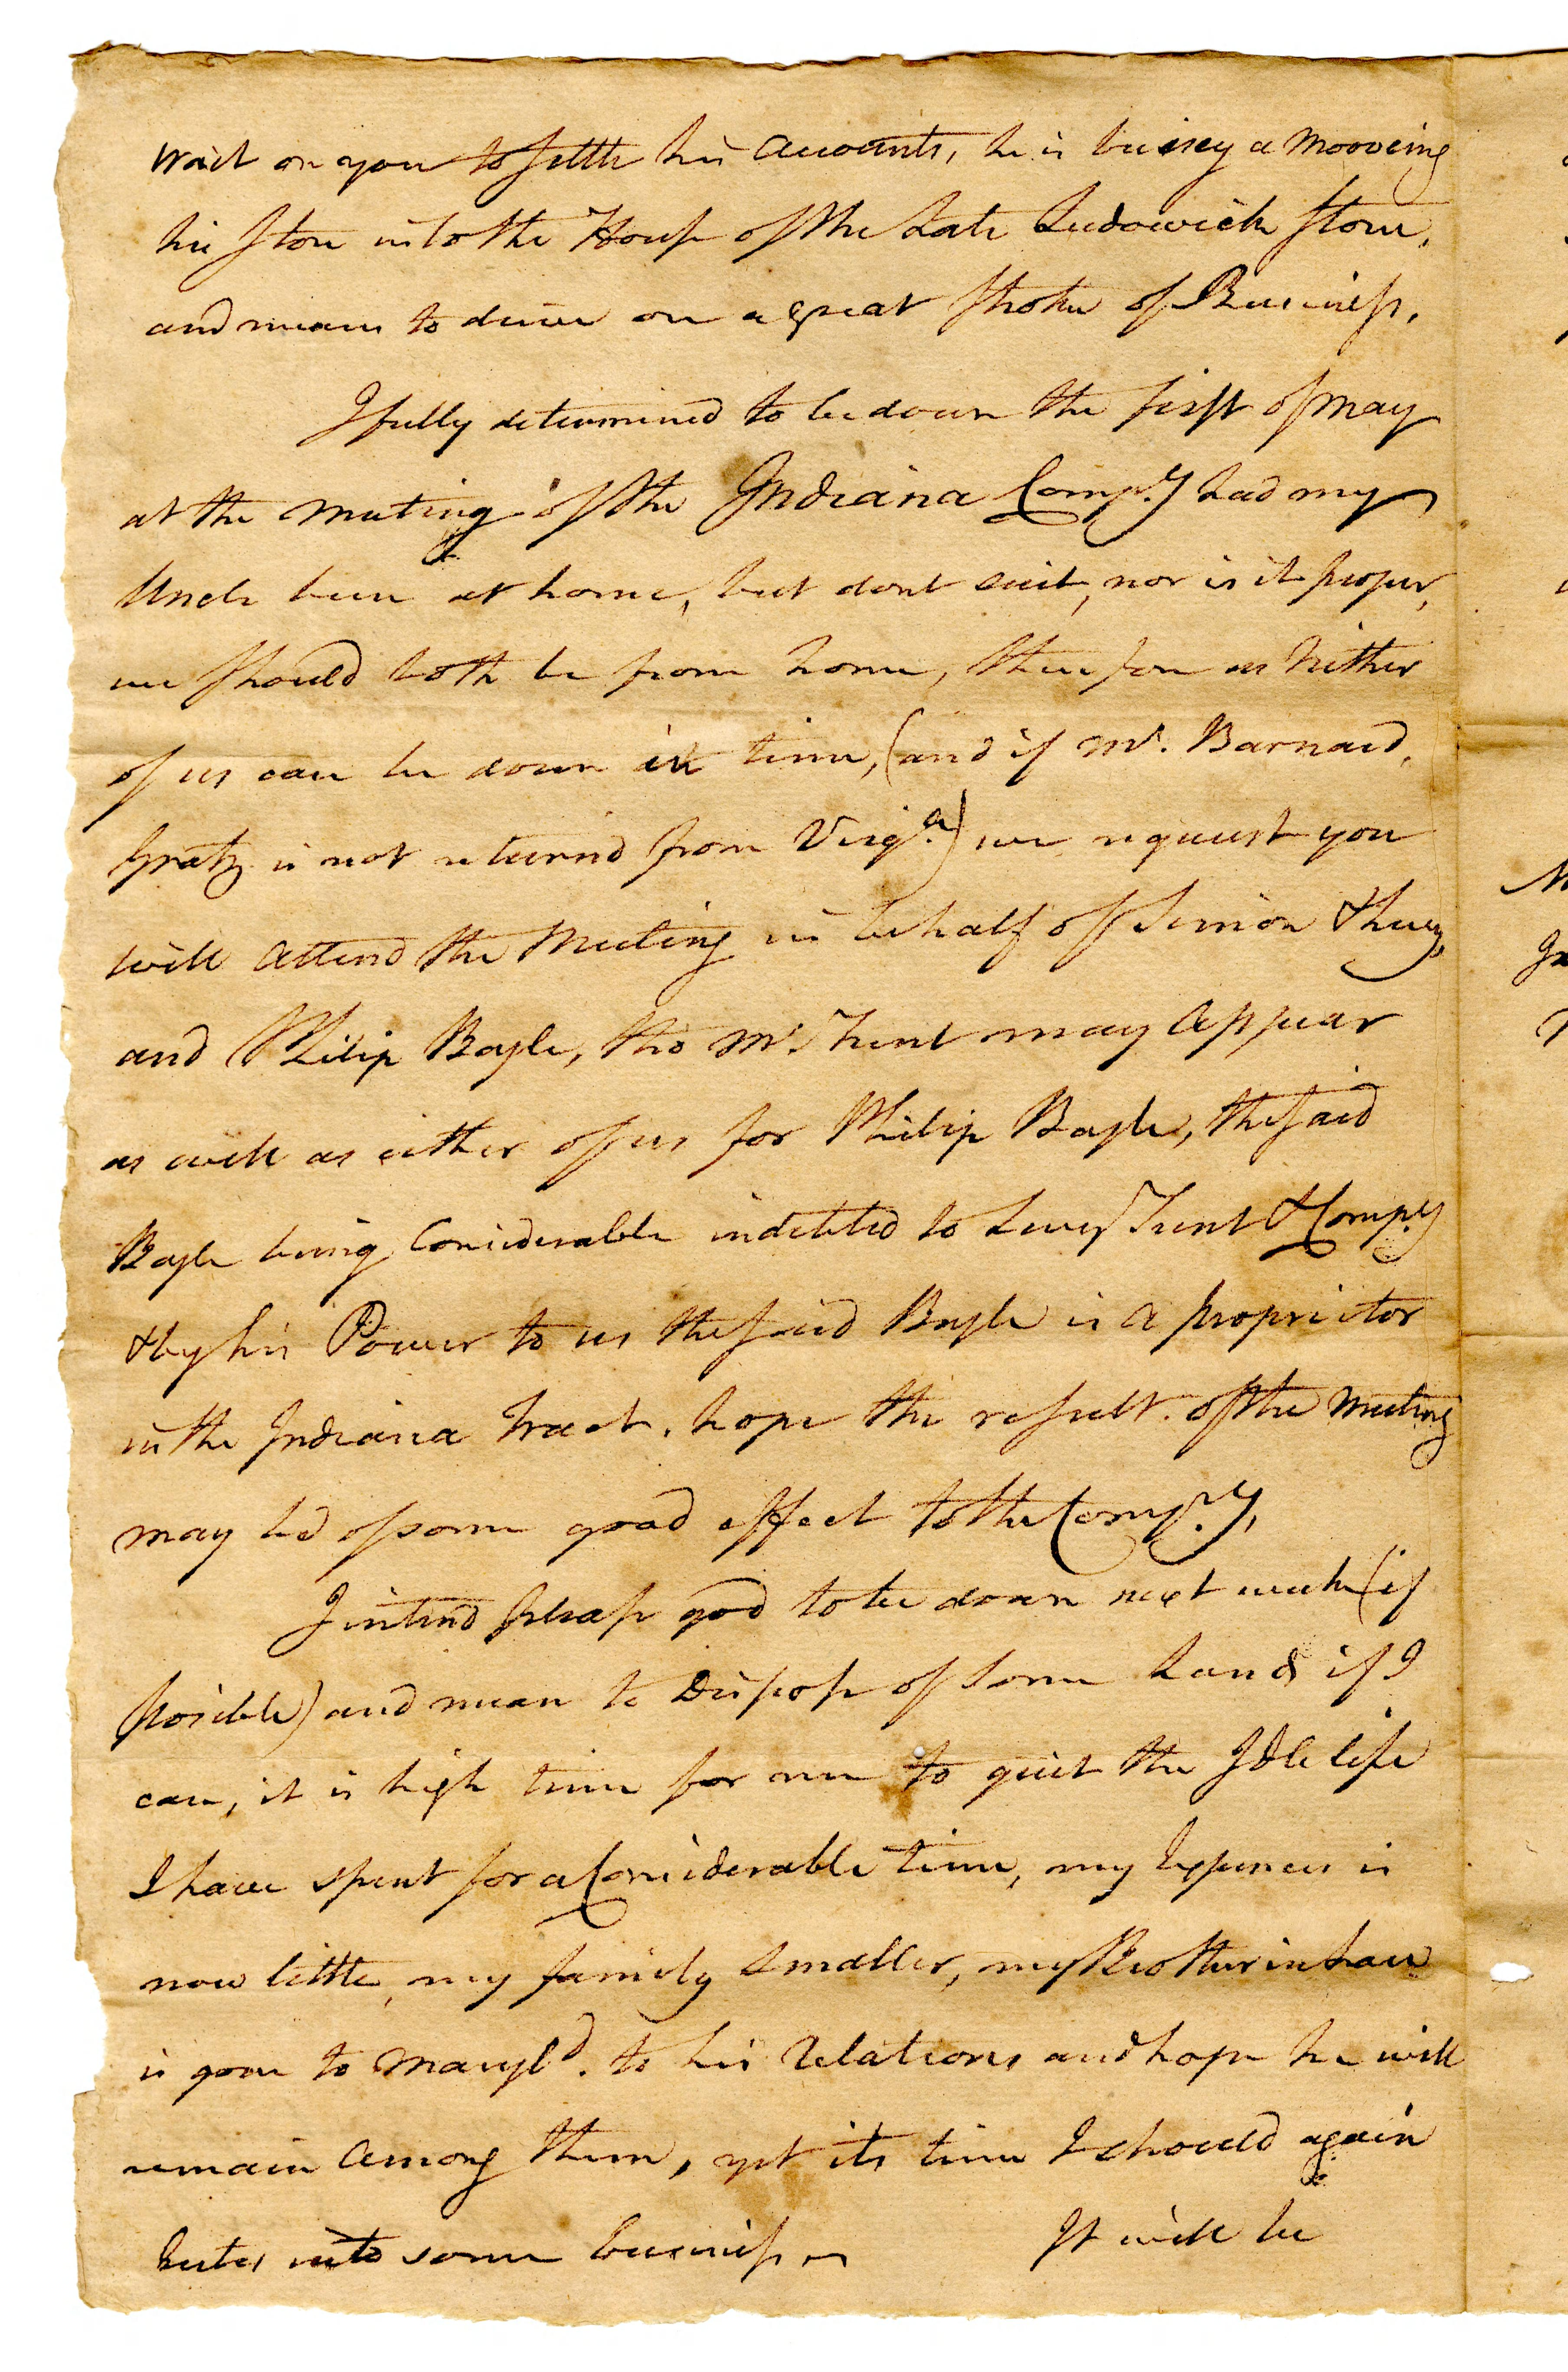wait on you to settle his Accounts, he is buisey a mooveing
his store into the House of the Late Ludowick Home
and means to drive on a great shoke of buisiness
I fully determined to be down the fifth of May
at the meeting of the Indiana Comp^y. had my
Uncle been at home, but dont suit, nor is it proper
we should both be from home, therefore as neither
of us can be down in time, (and if M^r. Barnard
Gratz is not return'd from Virg^a.) we request you
will attend the meeting in behalf off Simon & Lucy,
and Philip Boyle, tho M^r. Hunt may appear
as well as either offer for Philip Boyle, the said
Boyle being Considerable indebted to Lucy Trent & Comp^y
& by his Power to us the said Boyle is a proprietor
in the Indiana Tract, hope the rest of the meeting
may be of some good effect to the Comp^y.
I intend please God to be down next week (if
posible) and mean to Dispose of some Land if I
can, it is high time for me to quit the Idle life
I have spent for a Considerable time, my Expences is
now little, my family Smaller, my brother in Law
is gone to Maryl^d to his relations and hope he will
remain Among them, yet its time I should again
Enter into some business-
It will be